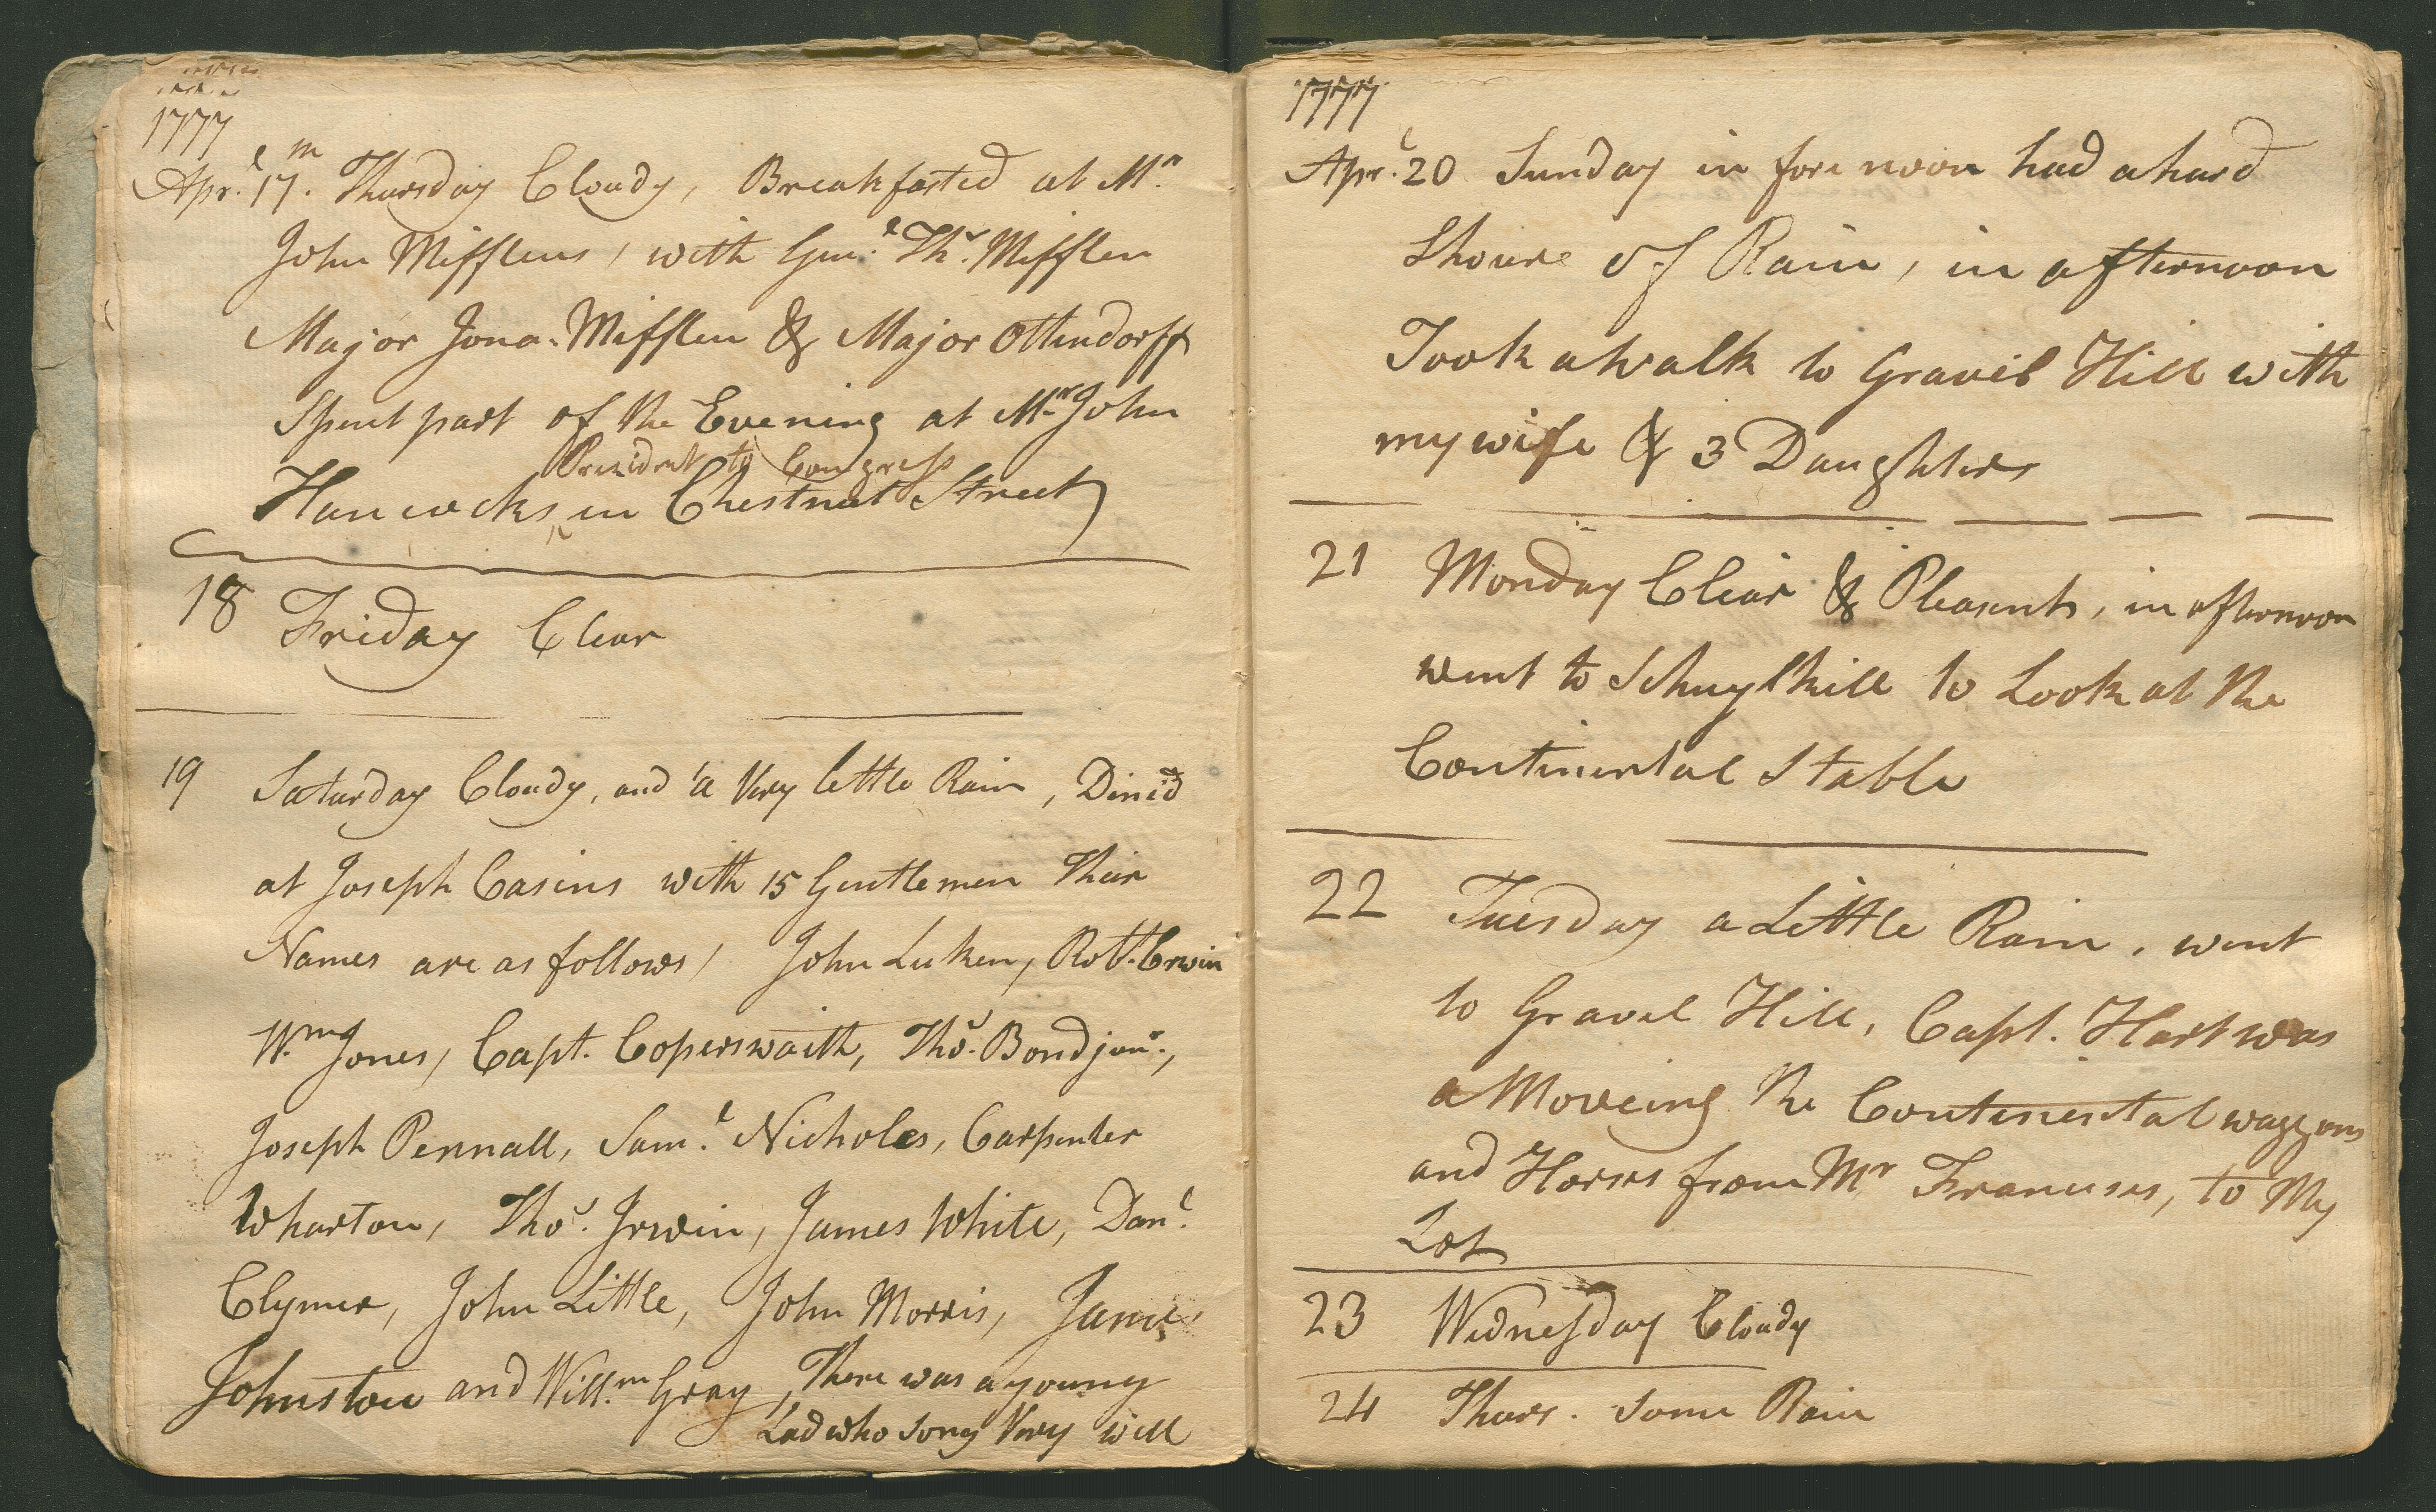1777
Apr^l. 17^th. Thursday Cloudy, Breakfasted at M^r.
John Mifflins, with Gen^l. Th^s. Mifflin
Major Jona. Mifflin & Major Ottendorff
Spent part of the Evening at M^r. John
Hancocks ^ in Chestnut Street
President to Congress
18 Friday Clear
19 Saturday Cloudy, and a Very little Rain, Dined
at Joseph Casins with 15 Gentlemen Their
Names are as follows, John Luken, Rob^t. Erwin
W^m. Jones, Capt. Coperswaith, Tho^s. Bond jun^r.,
Joseph Pennall, Sam^l. Nicholes, Carpenter
Wharton, Tho^s. Irwin, James White, Dan^l.
Clymer, John Little, John Morris, James
Johustow and Will^m. Gray, There was a young
Lad who Song Very well
1777
Apr^l. 20 Sunday in fore noon had a hard
Shoure of Rain, in afternoon
Took a walk to Gravel Hill with
my wife & 3 Daughters
21 Monday Clear & Pleasent, in afternoon
went to Schuylkill to Look at the
Continental Stable
22 Tuesday a Little Rain, went
to Gravel Hill, Capt. Hart was
a Moveing the Continental waggons
and Horses from M^r. Franceses, to My
23 Wednesday Cloudy
Lot
24 Thurs. some Rain